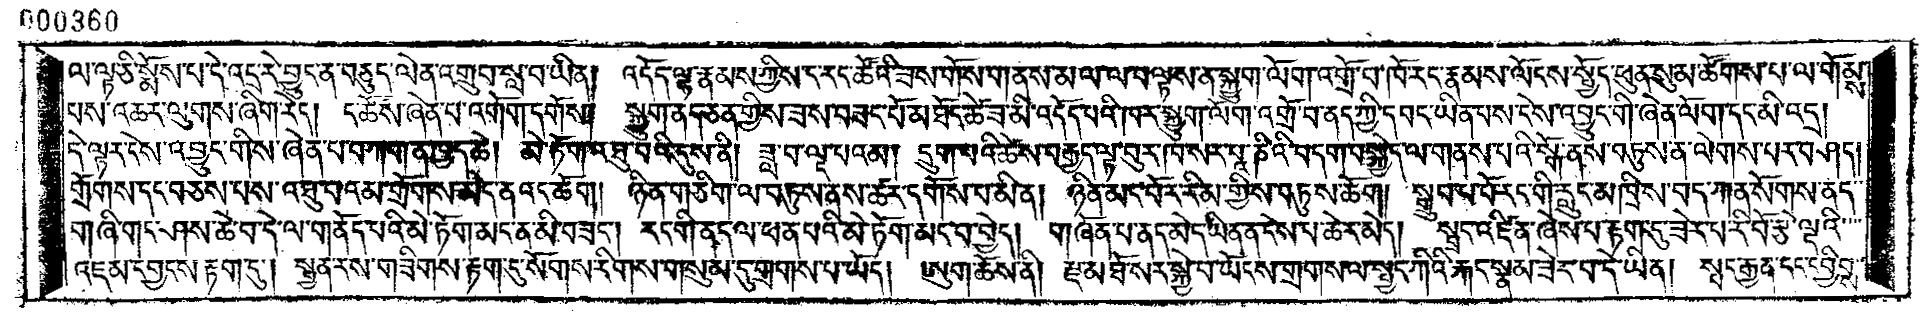ལ་ལྟ་ཅི་སྨོས་པ་དེ་འདྲ་རེ་བྱུང་ན་བཅུད་ལེན་འགྲུབ་སླ་བ་ཡིན། འདོད་ལྷ་རྣམས་ཀྱིས་ང་རང་ཚོའི་ཟས་གོས་གནས་མལ་ལ་བལྟས་ན་སྐྱུག་ལོག་འགྲོ་བ་ཁོ་རང་རྣམས་ལོངས་སྤྱོད་ཕུན་སུམ་ཚོགས་པ་ལ་གོམས་
པས་འཆར་ལུགས་ཞིག་རེད། ང་ཚོས་ཞེན་པ་འགོག་དགོས། སྐྱུག་ནད་ཅན་གྱིས་ཟས་བཟང་པོ་མཐོང་ཚེ་ཟ་མི་འདོད་པའི་ཁར་སྐྱུག་ལོག་འགྲོ་བ་ནད་ཀྱི་དབང་ཡིན་པས་ངེས་འབྱུང་གི་ཞེན་ལོག་དང་མི་འདྲ།
དེ་ལྟར་ངེས་འབྱུང་གིས་ཞེན་པ་བཀག་ན་ཁྱད་ཆེ། མེ་ཏོག་འཐུ་བའི་དུས་ནི། ཟླ་བ་ལྔ་པའམ། དྲུག་པའི་ཚེས་བརྒྱད་ལྟ་བུར་ཁ་སར་པཱ་ཎིའི་བདག་བསྐྱེད་ལ་གནས་པའི་སྒོ་ནས་བཏུས་ན་ལེགས་པར་བཤད།
གྲོགས་དང་བཅས་པས་འཐུ་བའམ་གྲོགས་མེད་ནའང་ཆོག །ཉིན་གཅིག་ལ་བཏུས་ནས་ཚར་དགོས་པ་མིན། ཉིན་མང་པོར་རིམ་གྱིས་བཏུས་ཆོག །སྒྲུབ་པ་པོ་རང་གི་རླུང་མཁྲིས་བད་ཀན་སོགས་ནད་
གཞི་གང་ཤས་ཆེ་བ་དེ་ལ་གནོད་པའི་མེ་ཏོག་མང་ན་མི་བཟང་། རང་གི་ནད་ལ་ཕན་པའི་མེ་ཏོག་མང་བ་བྱེད། གཞོན་པ་ནད་མེད་ཡིན་ན་ངེས་པ་ཆེར་མེད། སྦྲང་འཛིན་ཞེས་པ་རྟག་དུ་ཟེར་པ་རི་བོ་རྩེ་ལྔའི་
འཇམ་དབྱངས་རྟག་དུ། སྤྱན་རས་གཟིགས་རྟག་དུ་སོགས་རིགས་གསུམ་དུ་གྲགས་པ་ཡོད། ཨུག་ཆོས་ནི། རྫ་མཐོ་སར་སྐྱེ་བ་ཡོངས་གྲགས་ལ་སྤྱང་ཀིའི་རྐང་སྣམ་ཟེར་བ་དེ་ཡིན། སྤང་རྒྱན་དང་དབྱིབས་